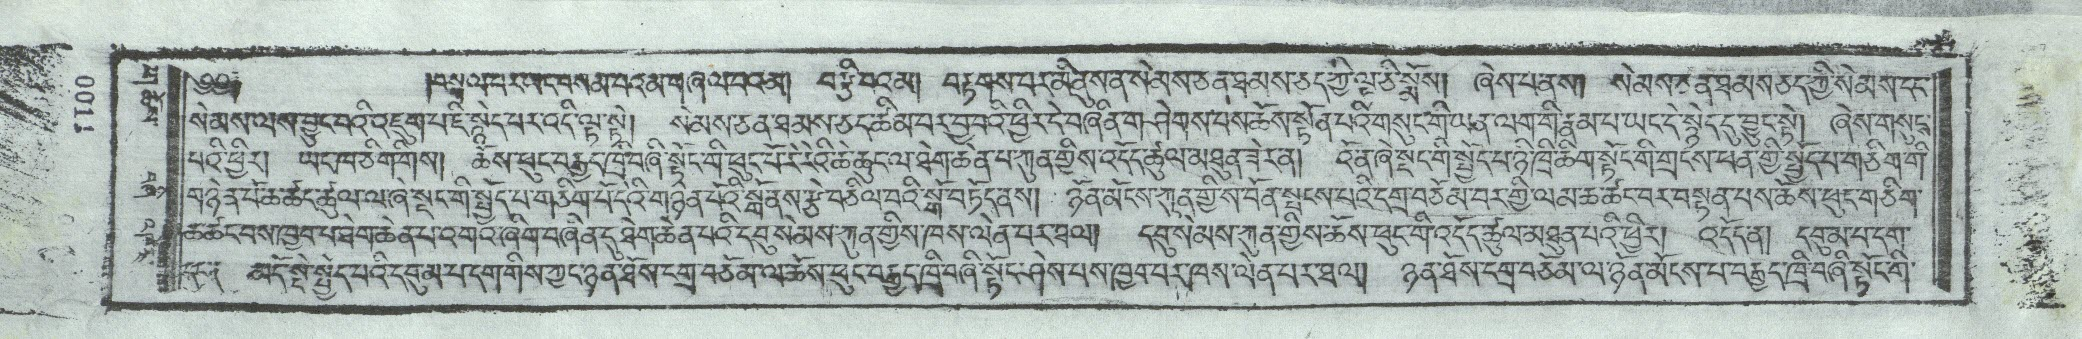༄༅། །བསྐལ་པར་ཡང་བསམ་པའམ་གཞལ་བའམ། བརྩི་པའམ། བརྟགས་པར་མི་ནུས་ན་སེམས་ཅན་ཐམས་ཅད་ཀྱི་ལྟ་ཅི་སྨོས། ཞེས་པ་ནས། སེམས་ཅན་ཐམས་ཅད་ཀྱི་སེམས་དང་
སེམས་ལས་བྱུང་བའི་འཇུག་པ་ཇི་སྙེད་པར་འདི་ལྟ་སྟེ། སེམས་ཅན་ཐམས་ཅད་ཚིམ་པར་བྱ་བའི་ཕྱིར་དེ་བཞིན་གཤེགས་པས་ཆོས་སྟོན་པའི་གསུང་གི་ཡན་ལག་གི་རྣམ་པ་ཡང་དེ་སྙེད་དུ་བྱུང་སྟེ། ཞེས་གསུངས་
པའི་ཕྱིར། ཡང་ཁ་ཅིག་གིས། ཆོས་ཕུང་བརྒྱད་ཁྲི་བཞི་སྟོན་གི་ཕུང་པོ་རེ་རེའི་ཆེ་ཆུང་ལ་ཐེག་ཆེན་པ་ཀུན་གྱིས་འདོད་ཚུལ་མཐུན་ཟེར་ན། འོ་ན་ཞེ་སྡང་གི་སྤྱོད་པ་ཉི་ཁྲི་ཆིག་སྟོང་གི་གྲངས་ཕན་གྱི་སྤྱོད་པ་གཅིག་གི་
གཉེན་པོ་ཆ་ཚང་ཚུལ་ལ་ཞེ་སྡང་གི་སྤྱོད་པ་གཅིག་པོ་དེའི་གཉེན་པོའི་སྒོ་ནས་རྩེ་བཅིལ་བའི་སྒོ་བཏོད་ནས། ཉོན་མོངས་ཀུན་གྱི་ས་བོན་སྤངས་པའི་དགྲ་བཅོམ་བར་གྱི་ལམ་ཆ་ཚང་བར་བསྟན་པས་ཆོས་ཕུང་གཅིག་
ཆ་ཚང་བས་ཁྱབ་པ་ཐེག་ཆེན་པ་འགའ་ཞིག་བཞིན་དུ་ཐེག་ཆེན་པའི་དབུ་སེམས་ཀུན་གྱིས་ཁས་ལེན་པར་ཐལ། དབུ་སེམས་ཀུན་གྱིས་ཆོས་ཕུང་གི་འདོད་ཚུལ་མཐུན་པའི་ཕྱིར། འདོད་ན། དབུ་མ་པ་དག་
དང༑ མདོ་སྡེ་སྤྱོད་པའི་དབུ་མ་པ་དག་གིས་ཀྱང་ཉན་ཐོས་དགྲ་བཅོམ་ལ་ཆོས་ཕུང་བརྒྱད་ཁྲི་བཞི་སྟོང་ཤེས་པས་ཁྱབ་པར་ཁས་ལེན་པར་ཐལ། ཉན་ཐོས་དགྲ་བཅོམ་ལ་ཉོན་མོངས་པ་བརྒྱད་ཁྲི་བཞི་སྟོང་གི་